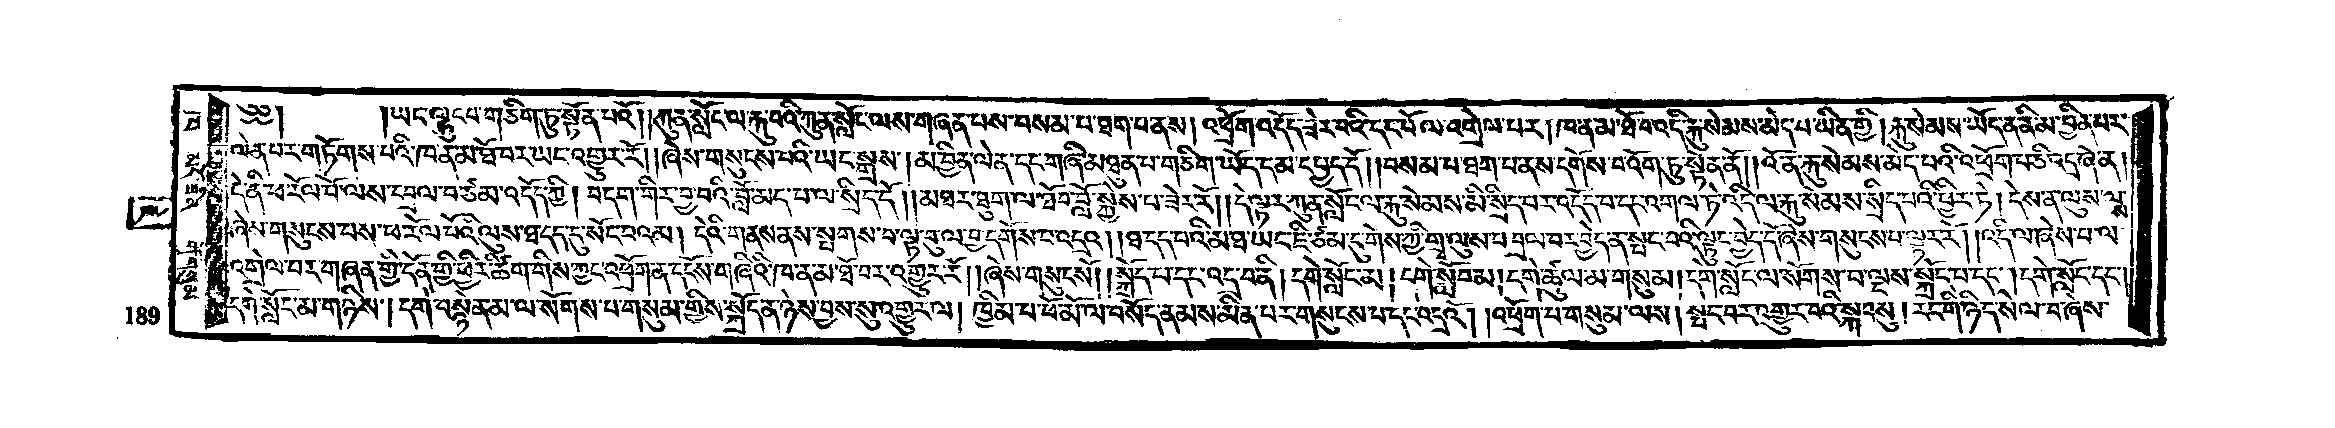༄༅། །ཡང་ལྟུང་པ་གཅིག་ཏུ་སྟོན་པའོ། །ཀུན་སློང་ལ་རྐུ་བའི་ཀུན་སློང་ལས་གཞན་པས་བསམ་པ་ཐག་པ་ནས། འཕྲོག་འདོད་ཟེར་བའི་དང་པོ་ལ་འགྲེལ་པར། ཁ་ན་མ་ཐོ་བ་འདི་རྐུ་སེམས་མེད་པ་ཡིན་གྱི། རྐུ་སེམས་ཡོད་ན་ནི་མ་བྱིན་པར་
ལེན་པར་གཏོགས་པའི་ཁ་ན་མ་ཐོ་བར་ཡང་འགྱུར་རོ། །ཞེས་གསུངས་པའི་ཡང་སྒྲས། མ་བྱིན་ལེན་དང་གཞི་མཐུན་པ་གཅིག་ཡོད་དམ་དཔྱད་དོ། །བསམ་པ་ཐག་པ་ནས་དགོས་པ་འོག་ཏུ་སྟེན་ནོ། །འོ་ན་རྐུ་སེམས་མེད་པའི་འཕྲོག་པ་ཅི་འདྲ་ཞེ་ན།
དེ་ནི་ཕ་རོལ་པོ་ལས་དབྲལ་བ་ཙམ་འདོད་ཀྱི། བདག་གིར་བྱ་བའི་བློ་མད་པ་ལ་སྲིད་དོ། །མཐར་ཐུག་ལ་ཐོབ་བློ་སྐྱེས་པ་ཟེར་རོ། །དེ་ལྟར་ཀུན་སློང་ལ་རྐུ་སེམས་མི་སྲིད་པར་འདོད་པ་དང་འགལ་ཏེ་འདི་ལ་རྐུ་སེམས་སྲིད་པའི་ཕྱིར་ཏེ། དེས་ན་ལུས་ལས་
ཞེས་གསུངས་པས་ཕ་རོལ་པོའི་ལུས་ཐ་དད་དུ་སོང་བའམ། དེའི་གནས་ནས་སྤགས་པ་ལྟ་བུ་ལ་བྱ་དགོས་པ་འདྲའོ། །ཐ་དད་པའི་མ་ཐ་ཡང་ཇི་ཙམ་དུ་གེས་ཀྱི་གྲྭ་ལུས་པ་བྲལ་བར་བྱེད་ན་སྤང་བའི་ལྟུང་བྱེད་དོ་ཞེས་གསུངས་པ་ལྟར་རོ། །འདི་ལ་ཞེས་པ་ལ་
འགྲེལ་པར་གཞན་གྱི་དོན་གྱི་ཕྱིར་ཚིག་གིས་ཀྱང་འཕྲོག་ན་དངོས་གཞིའི་ཁ་ན་མ་ཐོ་བར་འགྱུར་རོ། །ཞེས་གསུངས་སོ། །སྐྲོད་པ་དང་འདྲ་བ་ནི། དགེ་སློང་མ། དགེ་སློབ་མ། དགེ་ཚུལ་མ་གསུམ། དགེ་སློང་ལ་སོགས་པ་ལྔས་སྐྲོད་པ་དང་། དགེ་སློང་དང་།
དགེ་སློང་མ་གཉིས། དགེ་བསྙེན་མ་ལ་སོགས་པ་གསུམ་གྱིས་སྐྲོད་ན་ཉེས་བྱས་སུ་འགྱུར་ལ། ཁྱིམ་པ་ཕོ་མེ་ལ་བསོད་ནམས་མིན་པར་གསུངས་པ་དང་འདྲའོ། །འཕྲོག་པ་གསུམ་ལས། སྤང་བར་འགྱུར་བའི་སྐབས་སུ། རང་གི་ཉིད་སེལ་བ་ཞེས་